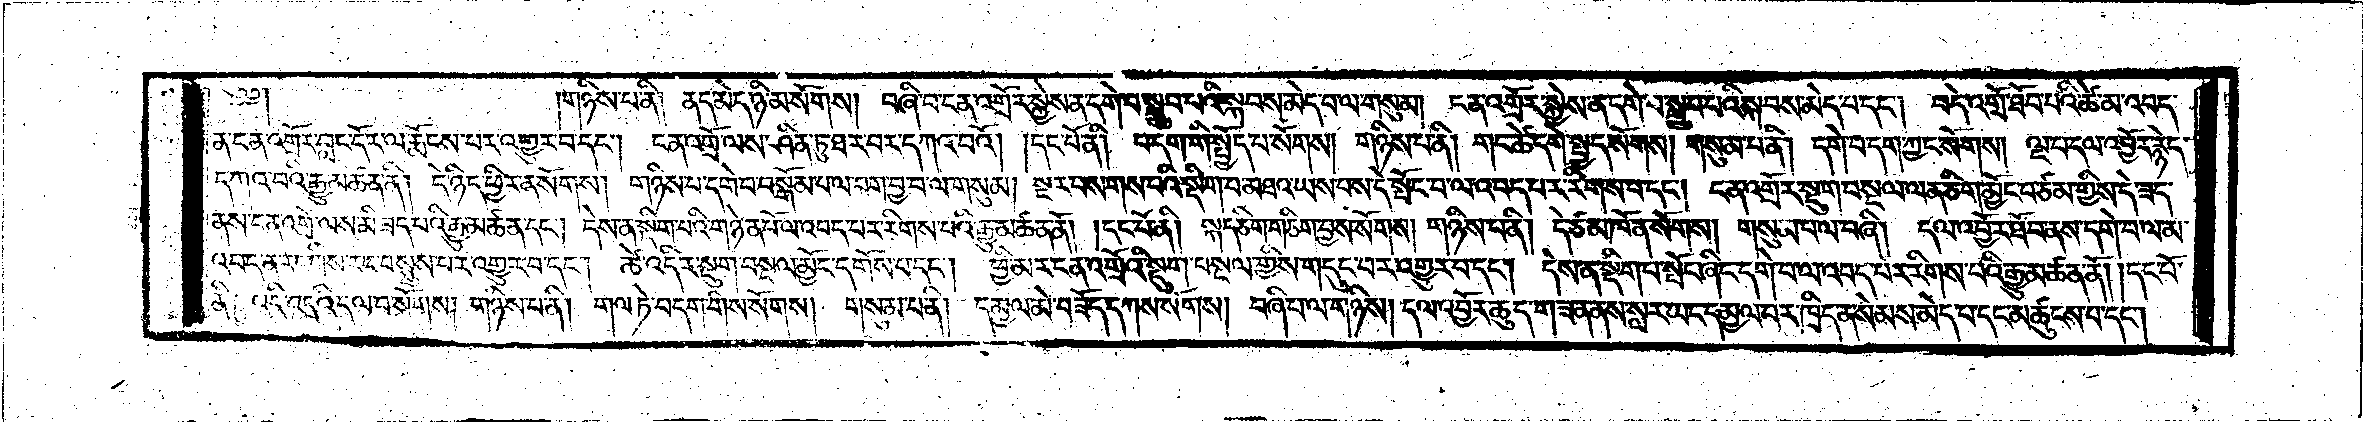༄༅། །གཉིས་པ་ནི། ནད་མེད་ཉི་མ་སོགས། བཞི་བ་ངན་འགྲོར་སྐྱེས་ན་དགེ་བ་སྒྲུབ་པའི་སྐབས་མེད་པ་ལ་གསུམ། ངན་འགྲོར་སྐྱེས་ན་དགེ་བ་སྒྲུབ་པའི་སྐབས་མེད་པ་དང་། བདེ་འགྲོ་ཐོབ་པའི་ཚེ་མ་འབད་
ན་ངན་འགྲོར་བླང་དོར་ལ་རྨོངས་པར་འགྱུར་བ་དང་། ངན་འགྲོ་ལས་ཤིན་ཏུ་ཐར་བར་དཀའ་བའོ། །དང་པོ་ནི། བདག་གི་སྤྱོད་པ་སོགས། གཉིས་པ་ནི། གང་ཚེ་དགེ་སྤྱད་སོགས། གསུམ་པ་ནི། དགེ་བ་དག་ཀྱང་སོགས། ལྔ་པ་དལ་འབྱོར་རྙེད་
དཀའ་བའི་རྒྱུ་མཚན་ནི། དེ་ཉིད་ཕྱིར་ན་སོགས། གཉིས་པ་དགེ་བ་བསྒོམ་པ་ལ་བག་བྱ་བ་ལ་གསུམ། སྔར་བསགས་པའི་སྡིག་པ་མཐའ་ཡས་བས་དེ་སྤོང་བ་ལ་འབད་པར་རིགས་པ་དང་། ངན་འགྲོར་སྡུག་བསྔལ་ལན་ཅིག་མྱོང་བ་ཙམ་གྱིས་དེ་ཟད་
ནས་ངན་འགྲོ་ལས་མི་ཟད་པའི་རྒྱུ་མཚན་དང་། དེས་ན་སྡིག་པའི་གཉེན་པོ་ལ་འབད་པར་རིགས་པའི་རྒྱུ་མཚན་ནོ། །དང་པོ་ནི། སྐད་ཅིག་གཅིག་བྱས་སོགས། གཉིས་པ་ནི། དེ་ཙམ་ཁོ་ན་སོགས། གསུམ་པ་ལ་བཞི། དལ་འབྱོར་ཐོབ་ནས་དགེ་བ་ལམ་
འབད་ན་རང་གིས་རང་བསླུས་པར་འགྱུར་བ་དང་། ཚེ་འདིར་སྡུག་བསྔལ་མྱོང་དགོས་པ་དང་། ཕྱི་མ་རང་ན་འགྲོའི་སྡུག་བསྔལ་གྱིས་གདུང་བར་འགྱུར་བ་དང་། དེས་ན་སྡིག་པ་སྤོང་ཞིང་དགེ་བ་ལ་འབད་པར་རིགས་པའི་རྒྱུ་མཚན་ནོ། །དང་པོ་
ནི༑ འདི་འདྲའི་དལ་བ་སོགས། གཉིས་པ་ནི། གལ་ཏེ་བདག་གིས་སོགས། གསུམ་པ་ནི། དམྱལ་མེ་བཟོད་དཀས་སོགས། བཞི་པ་ལ་གཉིས། དལ་འབྱོར་ཆུད་གཞན་ནས་སླར་ཡང་དམྱལ་བར་ཁྲིད་ན་སེམས་མེད་པ་དང་མཚུངས་པ་དང་།